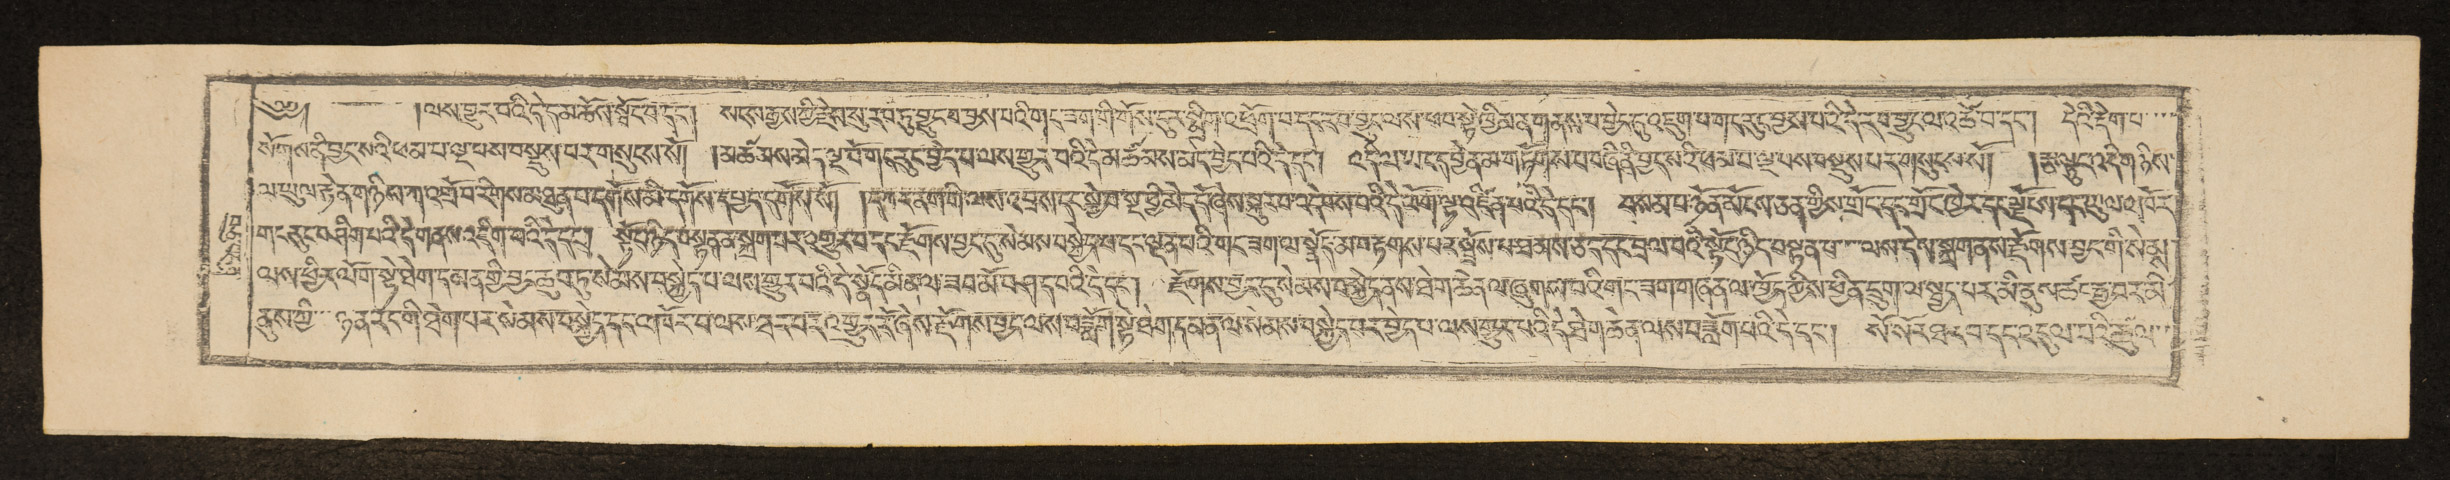༄༅། །ལས་བྱུང་བའི་དེ་དམ་ཆོས་སྤོང་བ་དང་། སངས་རྒྱས་ཀྱི་རྗེས་སུ་རབ་ཏུ་བྱུང་བ་བྱས་པའི་གང་ཟག་གི་གོས་དུར་སྨྲིག་འཕྲོག་པ་དང་རབ་བྱུང་ལས་ཕབ་སྟེ་ཁྱིམ་ན་གནས་པ་བྱེད་དུ་འཇུག་པ་གང་རུང་བྱས་པ་རི་དེ་རབ་འབྱུང་ལ་འཚེ་བ་དང་། དེའི་རྡེག་པ་
སོགས་ནི་བྱང་སའི་ཕམ་པ་ལྔ་པས་བསྡུས་པར་གསུངས་སོ། །མཚམས་མེད་ལྔ་པོ་གང་རུང་བྱེད་པ་ལས་གྱུར་བའི་དེ་མཚམས་མེད་བྱེད་པའི་དེ་དང་། འདི་ལ་ཡང་དབྱེན་མ་གཏོགས་པ་བཞི་ནི་བྱང་སའི་ཕམ་པ་ལྔ་བས་བསྡུས་པར་གསུངས་སོ། །རྩ་ལྟུང་འདི་གཉིས་
ལ་ཡུལ་རྟེན་གཉིས་ཀ་འགྲོ་བ་རིགས་མཐུན་པ་དགོས་མི་དགོས་དཔྱད་དགོས་སོ། །དཀར་ནག་གི་ལས་འབྲས་དང་སྐྱེ་བ་སྔ་ཕྱི་མེད་དོ་ཞེས་སྐུར་བ་འདེབས་པའི་དེ་ལོག་ལྟ་འཛིན་པའི་དེ་དང་། བསམ་པ་ཉོན་མོངས་ཅན་གྱིས་གྲོང་དང་གྲོང་ཁྱེར་དང་ལྗོངས་དང་ཡུལ་འཁོར་
གང་རུང་བཤིག་པའི་དེ་གནས་འཇིག་པའི་དེ་དང་། སྟོང་ཉིད་བསྟན་ན་སྐྲག་པར་འགྱུར་བ་དང་རྫོགས་བྱང་དུ་སེམས་བསྐྱེད་པ་དང་ལྡན་པའི་གང་ཟག་ལ་སྣོད་མ་བརྟགས་པར་སྤྲོས་པ་ཐམས་ཅད་དང་བྲལ་བའི་སྟོང་ཉིད་བསྟན་པ་ལས་དེས་སྐྲག་ནས་རྫོགས་བྱང་གི་སེམས་
ལས་ཕྱིར་ལོག་སྟེ་ཐེག་དམན་གྱི་བྱང་ཆུབ་ཏུ་སེམས་བསྐྱེད་པ་ལས་གྱུར་བའི་དེ་སྣོད་མིན་ལ་ཟབ་མོ་བཤད་པའི་དེ་དང་། རྫོགས་བྱང་དུ་སེམས་པ་སྐྱེད་ནས་ཐེག་ཆེན་ལ་ཞུགས་པའི་གང་ཟག་གཞན་ལ་ཁྱོད་ཀྱིས་ཕྱིན་དྲུག་ལ་སྦྱད་པར་མི་ནུས་ཚང་རྒྱ་བར་མི་
ནུས་ཀྱི་ཉན་རང་གི་ཐེག་པར་སེམས་བསྐྱེད་དང་འཁོར་བ་ལས་ཐར་བར་འགྱུར་རོ་ཞེས་རྫོགས་བྱང་ལས་བཟློག་སྟེ་ཐེག་དམན་ལ་སེམས་བསྐྱེད་པར་བྱེད་པ་ལས་བྱུང་བའི་དེ་ཐེག་ཆེན་ལས་བཟློག་པའི་དེ་དང་། སོ་སོར་ཐར་བ་དང་འདུལ་བའི་ཚུལ་